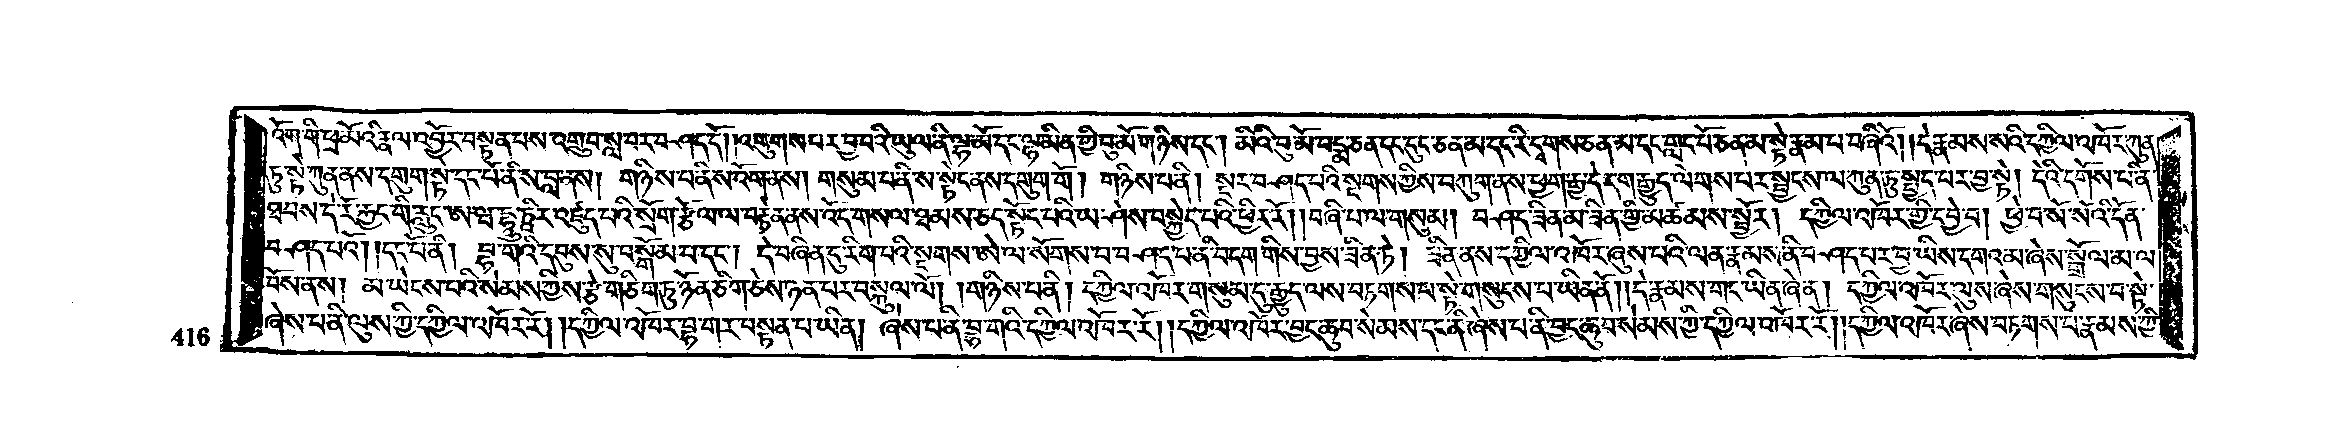འོག་གི་ཕྲ་མོའི་རྣལ་འབྱོར་བསྟན་པས་འགྲུབ་སླ་བར་བཤད་དོ། །འགུགས་པར་བྱ་བའི་ཡུལ་ནི་ལྷ་མོ་དང་ལྷ་མིན་གྱི་བུ་མོ་གཉིས་དང་། མིའི་བུ་མོ་པདམ་ཅན་དང་དུང་ཅན་མ་དང་རི་དྭགས་ཅན་མ་དང་གླང་པོ་ཅན་མ་སྟེ་རྣམ་པ་བཞིའོ། །དེ་རྣམས་སའི་དཀྱིལ་འཁོར་ཀུན་
ཏུ་སྟེ་ཀུན་ནས་དགུག་སྟེ་དང་པོ་ནི་ས་བླ་ནས། གཉིས་པ་ནི་ས་འོག་ནས། གསུམ་པ་ནི་ས་སྟེང་ནས་དགུག་གོ །གཉིས་པ་ནི། སྔར་བཤད་པའི་སྔགས་ཀྱིས་བཀུག་ནས་ཕྱག་རྒྱ་དེ་དག་རྒྱུད་ལེགས་པར་སྦྱངས་ལ་ཀུན་ཏུ་སྤྱད་པར་བྱ་སྟེ། དེའི་དགོས་པ་ནི་
ཐབས་དེ་རོ་རྐྱང་གི་རླུང་ཨ་ཝ་དྷཱུ་ཏཱིར་འཛུད་པའི་སྲོག་རྩོལ་ལ་བརྟེན་ནས་འོད་གསལ་ཐམས་ཅད་སྟོང་པའི་ཡེ་ཤེས་བསྐྱེད་པའི་ཕྱིར་རོ། །བཞི་པ་ལ་གསུམ། བཤད་ཟིན་མ་ཟིན་གྱི་མཚམས་སྦྱོར། དཀྱིལ་འཁོར་གྱི་དབྱེ་བ། ཕྱེ་བ་སོ་སོའི་དོན་
བཤད་པའོ། །དང་པོ་ནི། བྷ་གའི་དབུས་སུ་བསྒོམ་པ་དང་། དེ་བཞིན་དུ་རིག་པའི་སྔགས་ཨེ་ལ་སོགས་པ་བཤད་པ་ནི་བདག་གིས་བྱས་ཟིན་ཏེ། ཟིན་ནས་དཀྱིལ་འཁོར་ཞུས་པའི་ལན་རྣམས་ནི་བཤད་པར་བྱ་ཡིས་དགའ་མ་ཞེས་སྒྲོལ་མ་ལ་
བོས་ནས། མ་ཡེངས་པའི་སེམས་ཀྱིས་རྩེ་གཅིག་ཏུ་ཉོན་ཅིག་ཅེས་ཉན་པར་བསྐུལ་ལོ། །གཉིས་པ་ནི། དཀྱིལ་འཁོར་གསུམ་དུ་རྒྱུད་ལས་བཏགས་པ་སྟེ་གསུངས་པ་ཡིན་ནོ། །དེ་རྣམས་གང་ཡིན་ཞེ་ན། དཀྱིལ་འཁོར་ལུས་ཞེས་གསུངས་པ་སྟེ་
ཞེས་པ་ནི་ལུས་ཀྱི་དཀྱིལ་འཁོར་རོ། །དཀྱིལ་འཁོར་བྷ་གར་བསྟན་པ་ཡིན། ཞེས་པ་ནི་བྷ་གའི་དཀྱིལ་འཁོར་རོ། །དཀྱིལ་འཁོར་བྱང་ཆུབ་སེམས་དང་ནི་ཞེས་པ་ནི་བྱང་ཆུབ་སེམས་ཀྱི་དཀྱིལ་འཁོར་རོ། །དཀྱིལ་འཁོར་ཞེས་བཏགས་པ་རྣམས་ཀྱི་